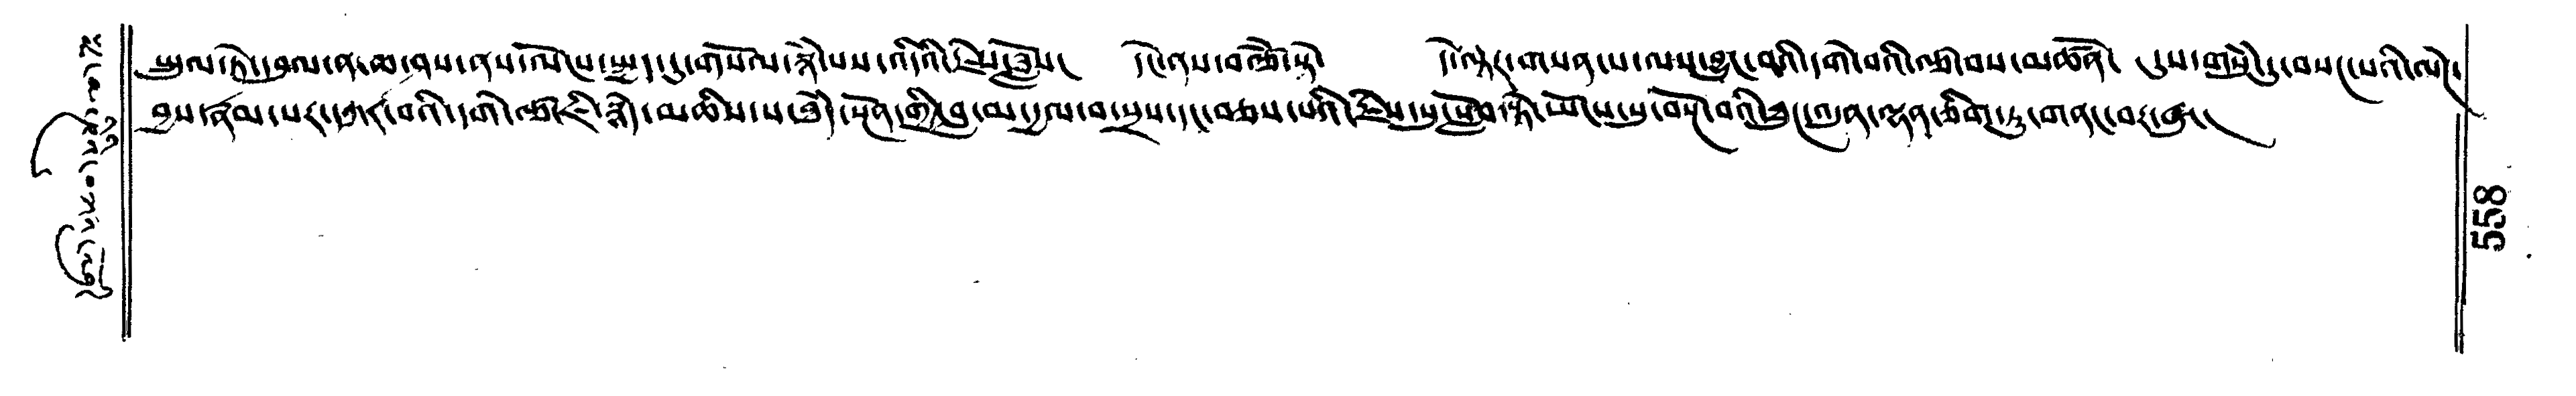སྤྲུལ་ཏེ་དབུལ་ན་ཆ་ཤས་ནས་ལོངས་སྤྱད་དུ་གསོལ་སྙམ་པས་འདིའི་རྗེས་ཟློས། དེང་ནས་བརྩམ་སྟེ༴ དེ་ལྟར་གསན་པ་ལས་བྱུང་བའི་དགེ་བའི་རྩ་བས་མཚོན། དུས་གསུམ་དུ་བསགས་པའི་ལེགས་
བྱས་རྣམ་པར་དཀར་བའི་དགེ་རྩ་ཇི་སྙེད་མཆིས་པ་ཐམས་ཅད་སྔོན་གྱི་བླ་མ་རྒྱལ་བ་སྲས་དང་བཅས་པའི་རྗེས་སུ་སློབ་སྟེ་ཡོངས་སུ་བསྔོ་བའི་ཐུགས་འདུན་ལྷན་ཅིག་ཏུ་གནང་བར་ཞུ།། དགེའོ།།